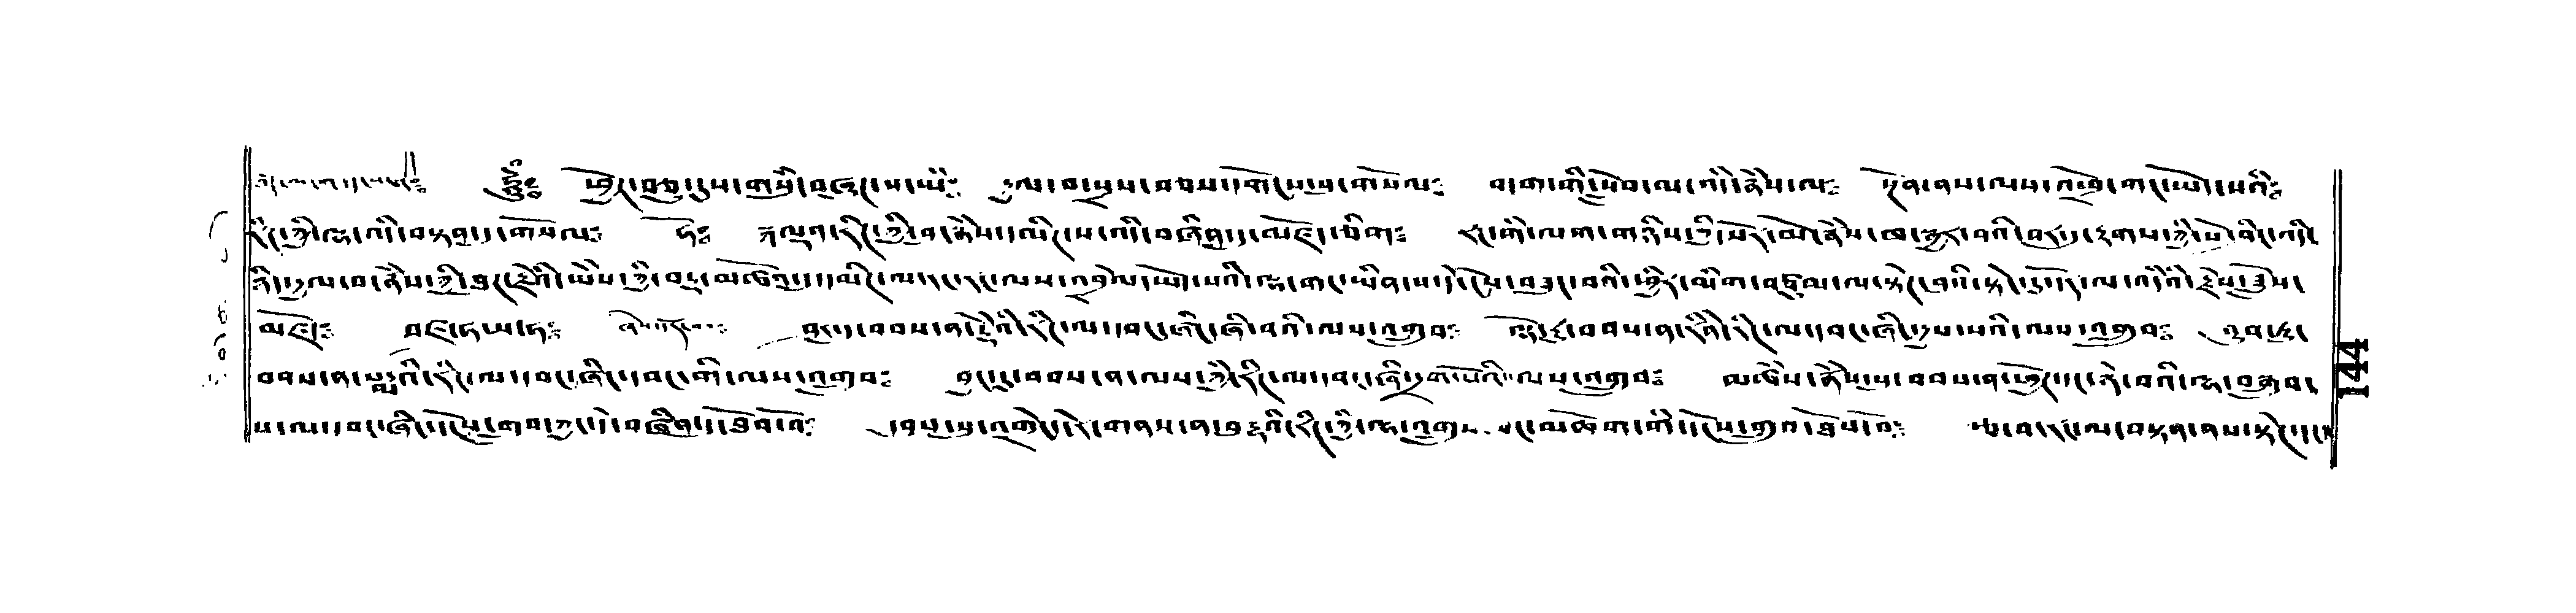ཐོགས་ལ་གཏད་པ་ནི༔ ཧཱུྃ༔ ཕྱོགས་བཅུ་དུས་གསུམ་བཞུགས་པ་ཡི༔ རྒྱལ་བ་སྲས་བཅས་དགོངས་སུ་གསོལ༔ བདག་གི་སློབ་མ་འདི་རྣམས་ལ༔ སྔོན་ནས་ལས་འཕྲོ་གང་ཡོད་པའི༔ 
རིགས་ཀྱི་ལྷ་འདི་བསྟན་དུ་གསོལ༔ ཧོཿ སྐལ་ལྡན་རིགས་ཀྱི་བུ་རྣམས་དམིགས་པ་འདི་བཞིན་དུ་མཛོད་ཅིག༔རང་གི་ལག་གཉིས་ཀྱི་སོར་མོ་རྣམས་ཁ་སྦྱར་བའི་བར་དུ་རྟགས་ཀྱི་སོ་ཤིང་འདི་
ཉིད་རྒྱལ་བ་རྣམས་ཀྱི་ཐུགས་རྗེའི་ཡེ་ཤེས་ཀྱི་བརྡ་མཚོན་དུ་དམིགས་ལ་རང་རང་ལས་འབྲེལ་ཡོད་པའི་ལྷ་གང་ཡིན་པ་དེ་ངོས་གཟུང་བའི་ཕྱིར་མིག་བཙུམས་ནས་སྟེགས་བུའི་སྟེང་དུ་དོར་ལ་འདིའི་རྗེས་ཟློས་
མཛོད༔ བཛྲ་ཧ་ས་ཧ༔ ཞེས་དོར་བས༔ ཤར་དུ་བབས་ན་རྡོ་རྗེའི་རིགས་ལ་དབང་ཞིང་ཞི་བའི་ལས་འགྲུབ༔ ལྷོ་རུ་བབས་ན་རིན་ཆེན་གྱི་རིགས་ལ་དབང་ཞིང་རྒྱས་པའི་ལས་འགྲུབ༔ ནུབ་ཏུ་
བབས་ན་པདྨའི་རིགས་ལ་དབང་ཞིང་དབང་གི་ལས་འགྲུབ༔ བྱང་དུ་བབས་ན་ལས་ཀྱི་རིགས་ལ་དབང་ཞིང་དྲག་པོའི་ལས་འགྲུབ༔ མཚམས་རྣམས་སུ་བབས་ན་ཕྱོགས་དང་ཉེ་བའི་ལྷ་བསྒྲུབ་
པ་ལ་དབང་ཞིང་དངོས་གྲུབ་ཀྱང་དེ་བཞིན་དུ་འཐོབ་བོ༔ དབུས་སུ་འགྲེང་ངེར་གནས་ན་བུདྡྷའི་རིགས་ཀྱི་ལྷ་འགྲུབ་ཅིང་མཆོག་གི་དངོས་གྲུབ་འཐོབ་བོ༔ རྩ་བ་རང་ལ་བསྟན་ནས་སྟེགས་དང་